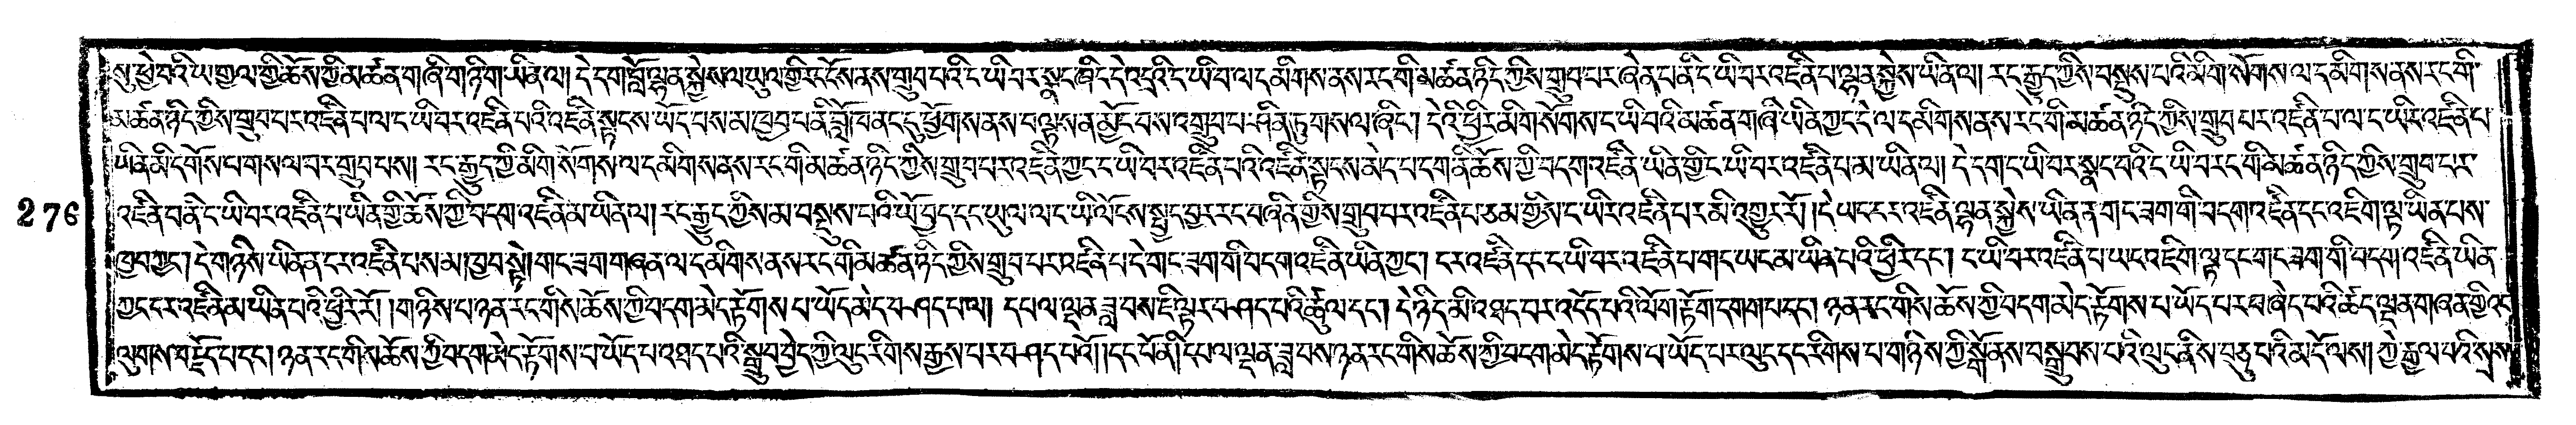སུ་ཕྱེ་བའི་ཡ་གྱལ་གྱི་ཆོས་ཀྱི་མཚན་གཞི་གཉི་ག་ཡིན་ལ། དེ་དག་བློ་ལྷན་སྐྱེས་ལ་ཡུལ་གྱི་རང་ངོས་ནས་གྲུབ་བའི་ང་ཡི་བར་སྣང་ཞིང་དེ་འདྲའི་ང་ཡི་བ་ལ་དམིགས་ནས་རང་གི་མཚན་ཉིད་ཀྱིས་གྲུབ་པར་ཞེན་པ་ནི་ང་ཡི་བར་འཛིན་པ་ལྷན་སྐྱེས་ཡིན་ལ། རང་རྒྱུད་ཀྱིས་བསྡུས་པའི་མིག་སོགས་ལ་དམིགས་ནས་རང་གི་
མཚན་ཉིད་ཀྱིས་གྲུབ་པར་འཛིན་པ་ལ་ང་ཡི་བར་འཛིན་པའི་འཛིན་སྟངས་ཡོད་པས་མ་ཁྱབ་པ་ནི་བློ་ཁ་ནང་དུ་ཕྱོགས་ནས་བལྟས་ན་མྱོང་བས་འགྲུབ་པ་ཤིན་ཏུ་གསལ་ཞིང་། དེའི་ཕྱིར་མིག་སོགས་ང་ཡི་བའི་མཚན་གཞི་ཡིན་ཀྱང་དེ་ལ་དམིགས་ནས་རང་གི་མཚན་ཉིད་ཀྱིས་གྲུབ་པར་འཛིན་པ་ལ་ང་ཡིར་འཛིན་པ་
ཡིན་མི་དགོས་པ་གསལ་བར་གྲུབ་པས། རང་རྒྱུད་ཀྱི་མིག་སོགས་ལ་དམིགས་ནས་རང་གི་མཚན་ཉིད་ཀྱིས་གྲུབ་པར་འཛིན་ཀྱང་ང་ཡི་བར་འཛིན་པའི་འཛིན་སྟངས་མེད་པ་དག་ནི་ཆོས་ཀྱི་བདག་འཛིན་ཡིན་གྱི་ང་ཡི་བར་འཛིན་པ་མ་ཡིན་ལ། དེ་དག་ང་ཡི་བར་སྣང་བའི་ང་ཡི་བ་རང་གི་མཚན་ཉིད་ཀྱིས་གྲུབ་པར་
འཛིན་པ་ནི་ང་ཡི་བར་འཛིན་པ་ཡིན་གྱི་ཆོས་ཀྱི་བདག་འཛིན་མ་ཡིན་ལ། རང་རྒྱུད་ཀྱིས་མ་བསྡུས་པའི་ཡོ་བྱད་དང་ཡུལ་ལ་ང་ཡི་ལོངས་སྤྱད་བྱར་རང་བཞིན་གྱིས་གྲུབ་པར་འཛིན་པ་ཙམ་གྱིས་ང་ཡིར་འཛིན་པར་མི་འགྱུར་རོ། །དེ་ཡང་ངར་འཛིན་ལྷན་སྐྱེས་ཡིན་ན་གང་ཟག་གི་བདག་འཛིན་དང་འཇིག་ལྟ་ཡིན་པས་
ཁྱབ་ཀྱང་། དེ་གཉིས་ཡིན་ན་ངར་འཛིན་པས་མ་ཁྱབ་སྟེ། གང་ཟག་གཞན་ལ་དམིགས་ནས་རང་གི་མཚན་ཉིད་ཀྱིས་གྲུབ་པར་འཛིན་པ་དེ་གང་ཟག་གི་བདག་འཛིན་ཡིན་ཀྱང་། ངར་འཛིན་དང་ང་ཡི་བར་འཛིན་པ་གང་ཡང་མ་ཡིན་པའི་ཕྱིར་དང་། ང་ཡི་བར་འཛིན་པ་ཡང་འཇིག་ལྟ་དང་གང་ཟག་གི་བདག་འཛིན་ཡིན་
ཀྱང་ངར་འཛིན་མ་ཡིན་པའི་ཕྱིར་རོ། །གཉིས་པ་ཉན་རང་གིས་ཆོས་ཀྱི་བདག་མེད་རྟོགས་པ་ཡོད་མེད་བཤད་པ་ལ། དཔལ་ལྡན་ཟླ་བ་ཇི་ལྟར་བཤད་པའི་ཚུལ་དང་། དེ་ཉིད་མི་འཐད་བར་འདོད་པའི་ལོག་རྟོག་དགག་པ་དང་། ཉན་རང་གིས་ཆོས་ཀྱི་བདག་མེད་རྟོགས་པ་ཡོད་པར་བཞེད་པའི་ཚད་ལྡན་གཞན་གྱིའང་
ལུགས་བརྗོད་པ་དང་། ཉན་རང་གིས་ཆོས་ཀྱི་བདག་མེད་རྟོགས་པ་ཡོད་པ་འཐད་པའི་སྒྲུབ་བྱེད་ཀྱི་ལུང་རིགས་རྒྱས་པར་བཤད་པའོ། །དང་པོ་ནི། དཔལ་ལྡན་ཟླ་བས་ཉན་རང་གིས་ཆོས་ཀྱི་བདག་མེད་རྟོགས་པ་ཡོད་པར་ལུང་དང་རིགས་པ་གཉིས་ཀྱི་སྒོ་ནས་བསྒྲུབས་པའི་ལུང་ནི་ས་བཅུ་པའི་མདོ་ལས། ཀྱེ་རྒྱལ་བའི་སྲས་